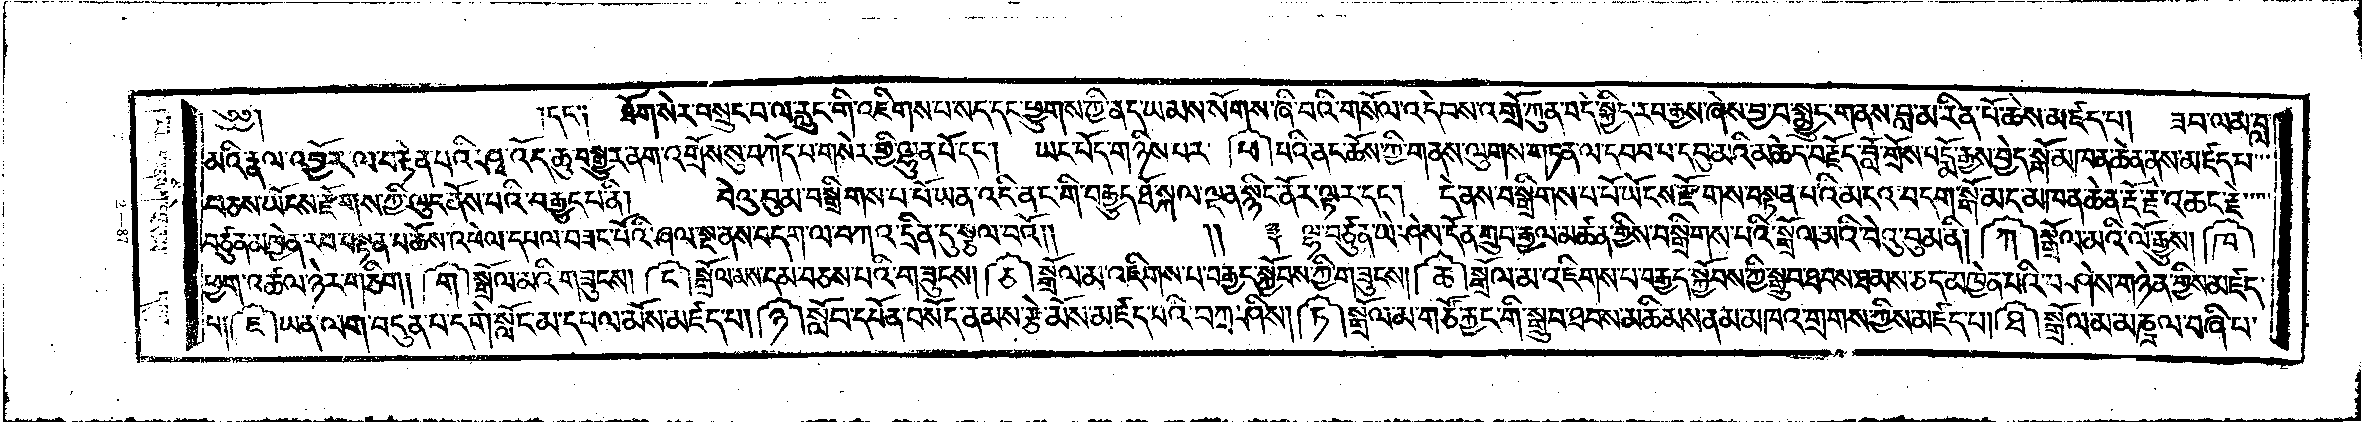༄༅། །དང༑ ཐོག་སེར་བསྲུང་བ་ལ་རླུང་གི་འཇིགས་པ་སད་དང་ཕྱུགས་ཀྱི་ནད་ཡམས་སོགས་ཞི་བའི་གསོལ་འདེབས་འགྲོ་ཀུན་བདེ་སྐྱིད་རབ་རྒྱས་ཞེས་བྱ་བ་སྨྱུང་གནས་བླ་མ་རིན་པོ་ཆེས་མཛད་པ། ཟབ་ལམ་བླ་
མའི་རྣལ་འབྱོར་ལ་བརྟེན་པའི་ཤྭ་འོད་ཆུ་བསྒྱུར་ནག་འགྲོས་སུ་བཀོད་པ་གསེར་གྱི་ལྷུན་པོ་དང་། ཡང་པོད་གཉིས་པར ༼ཕ༽ པའི་ནང་ཆོས་ཀྱི་གནས་ལུགས་གཏན་ལ་དབབ་པ་དབུ་མའི་མཆོད་བརྗོད་བློ་གྲོས་པདམོ་རྒྱས་བྱེད་སྒོ་མཁན་ཆེན་ནས་མཛད་པ་
བཅས་ཡོངས་རྫོགས་ཀྱི་ལུང་ནོས་པའི་བརྒྱུད་པ་ནི། བེའུ་བུམ་བསྒྲིགས་པ་པོ་ཡན་འདི་ནང་གི་བརྒྱུད་ཐོ་སྐལ་ལྡན་སྙིང་ནོར་ལྟར་དང་། དེ་ནས་བསྒྲིགས་པ་པོ་ཡོངས་རྫོགས་བསྟན་པའི་མངའ་བདག་སྒོ་མང་མཁན་ཆེན་རྡོ་རྗེ་འཆང་རྗེ་
བཙུན་མཁྱེན་རབ་བསྟན་པ་ཆོས་འཕེལ་དཔལ་བཟང་པོའི་ཞལ་སྔ་ནས་བདག་ལ་བཀའ་དྲིན་དུ་སྩལ་བའོ།། །།༈ ལྷ་བཙུན་ཡེ་ཤེས་དོན་གྲུབ་རྒྱལ་མཚན་གྱིས་བསྒྲིགས་པའི་སྒྲོལ་མའི་བེའུ་བུམ་ནི། ༼ཀ༽ སྒྲོལ་མའི་ལོ་རྒྱུས། ༼ཁ༽
ཕྱག་འཚལ་ཉེར་གཅིག། ༼ག༽ སྒྲོལ་མའི་གཟུངས། ༼ང༽ སྒྲོལ་མས་དམ་བཅས་པའི་གཟུངས། ༼ཅ༽ སྒྲོལ་མ་འཇིགས་པ་བརྒྱད་སྐྱོབས་ཀྱི་གཟུངས། ༼ཆ༽ སྒྲོལ་མ་འཇིགས་པ་བརྒྱད་སྐྱོབས་ཀྱི་སྒྲུབ་ཐབས་ཐམས་ཅད་མཁྱེན་པའི་བཤེས་གཉེན་གྱིས་མཛད་
པ༑ ༼ཇ༽ ཡན་ལག་བདུན་པ་དགེ་སློང་མ་དཔལ་མོས་མཛད་པ། ༼ཉ༽ སློབ་དཔོན་བསོད་ནམས་རྩེ་མོས་མཛད་པའི་བཀྲ་ཤིས། ༼ཏ༽ སྒྲོལ་མ་གཙོ་རྐྱང་གི་སྒྲུབ་ཐབས་མཆིམས་ནམ་མཁའ་གྲགས་ཀྱིས་མཛད་པ། ༼ཐ༽ སྒྲོལ་མ་མཎྜལ་བཞི་པ་